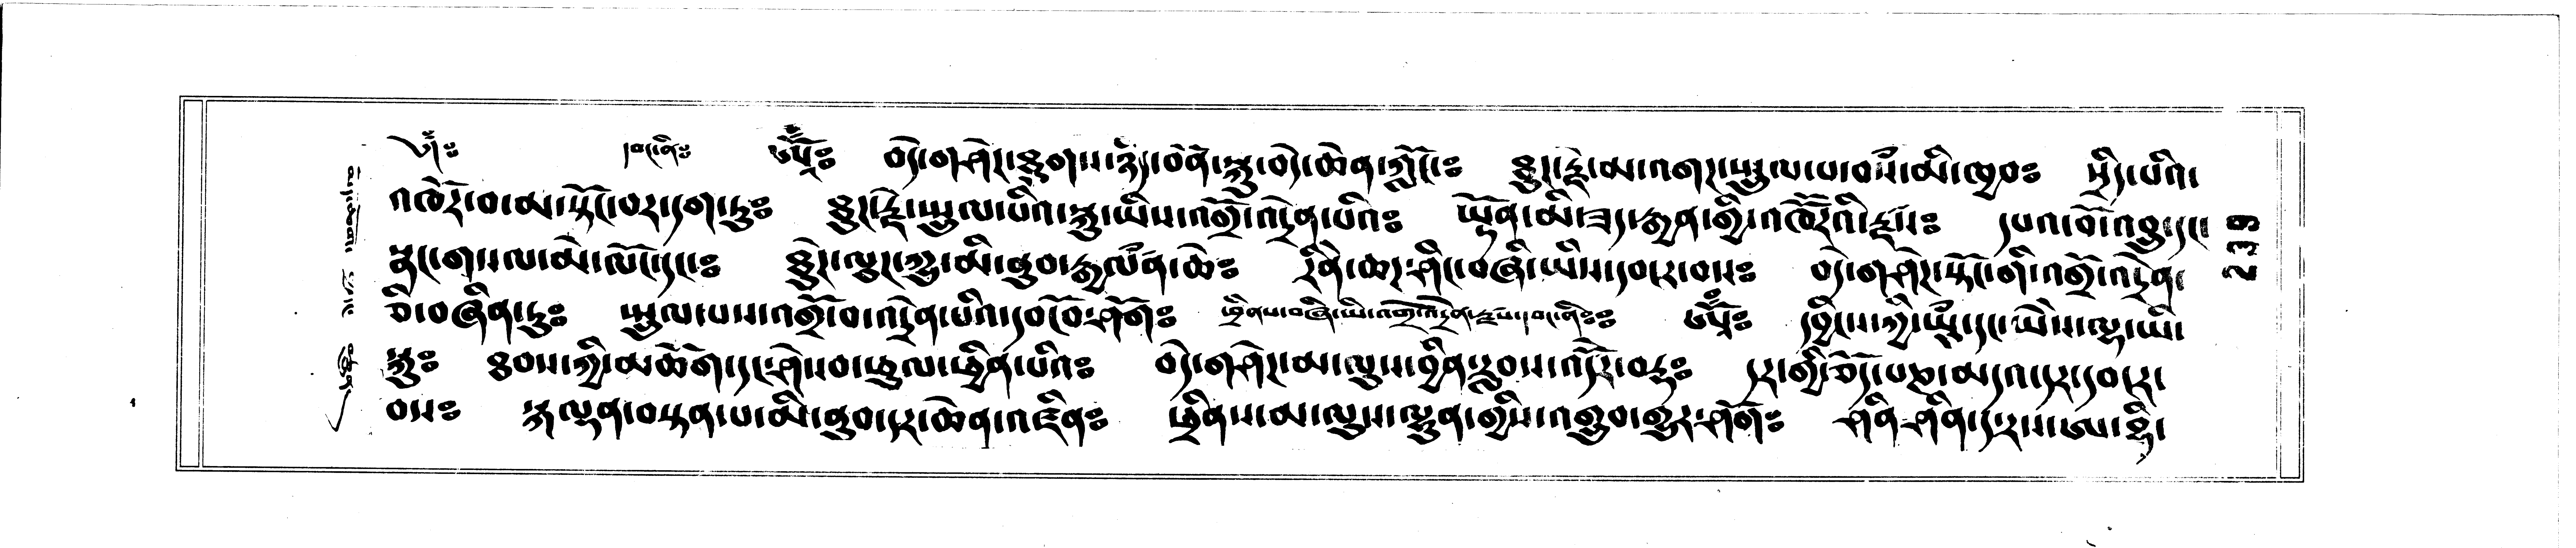དབང་ནིཿ ཨཱོྃཿ བདེར་གཤེགས་ཐུགས་ཉིད་བོན་སྐུ་བདེ་ཆེན་ཀློངཿ ཐུགས་རྗེ་མ་འགག་སྤྲུལ་པ་བསམ་མི་ཁྱབཿ སྲིད་པའི་
འཁོར་བ་མ་སྟོང་བར་དག་ཏུཿ ཐུགས་རྗེ་སྤྲུལ་པའི་སྐུ་ཡིས་འགྲོ་འདྲེན་པའིཿ ཡོན་ཏན་མི་བཟད་རྒྱན་གྱི་འཁོར་ལོའི་རྫསཿ དཔའ་བོ་འབྲུ་དང་
སྣང་གསལ་མེ་ལོང་དངཿ ཐུགས་རྗེ་ལྕཀྱུ་མི་ནུབ་རྒྱལ་མཚན་ཆེཿ རིན་ཆེན་ཆག་ཤིང་བཞི་ཡིས་དབང་བསྐུར་བསཿ བདེར་གཤེགས་སྟོང་གི་འགྲོ་འདྲེན་
ཅི་བཞིན་དུཿ སྤྲུལ་པས་འགྲོ་བ་འདྲེན་པའི་དབང་ཐོབ་ཤོགཿ འཕྲིན་ལས་བཞི་ཡིས་འགྲོ་འདྲེན་རྫས་དབང་ནིཿ ཨཱོྃཿ དབྱིངས་ཀྱི་ཡུམ་དང་ཡེ་ཤེས་ལྷ་ཡི་
སྐུཿ ཐབས་ཀྱི་མཆོག་དང་ཤེས་རབ་ཕུལ་ཕྱིན་པའིཿ བདེར་གཤེགས་མ་ལུས་བྱིན་རླབས་འོད་ཟེར་བརྡཿ དར་གྱི་ཅོད་པཎ་མདའ་དར་དབང་བསྐུར་
བསཿ སྐལ་ལྡན་བསྟན་པ་མི་ནུབ་དར་ཆེན་འཛིནཿ འཕྲིན་ལས་མ་ལུས་ལྷུན་གྱིས་གྲུབ་འགྱུར་ཤོགཿ ཤིན་ཤིན་དར་རས་ཨ་བྷི་